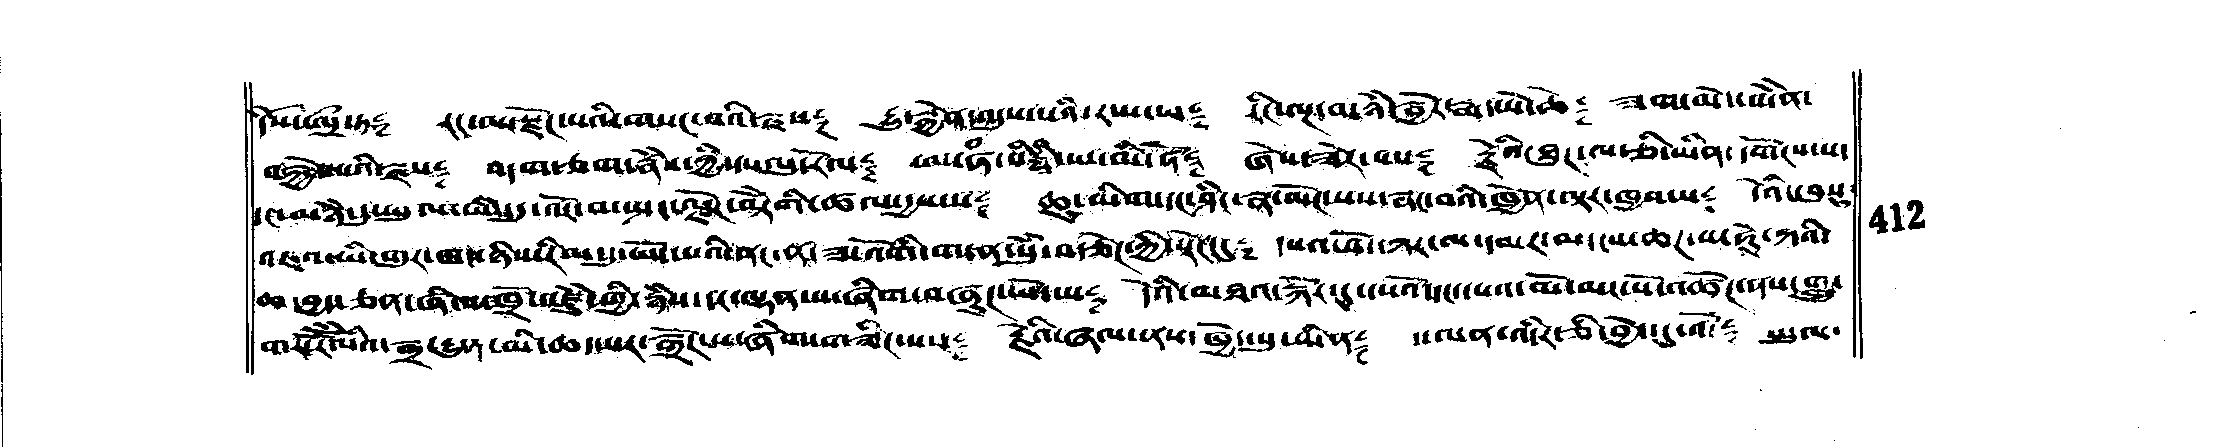དམ་བཅས་ཨྲྀ་ཏ། །རང་ལ་རྫོགས་པའི་གསང་བའི་རྫས། །རྒྱུ་རྐྱེན་འདུས་པའི་ར་ས་ཡ། །རིགས་ལྔ་མཉམ་སྦྱོར་རྨད་པོ་ཆེ། །ཟག་མེད་བདེ་ཆེན་
བསྐྱེད་པའི་རྫས། །བདག་ཅག་རྣམས་ཀྱི་དཔལ་དུ་རོལ། ཨ་ཧཾ་སིདྡྷི་ཡ་མི་ཧོཿ ཞེས་ཟེར་བས། རྗེའི་ཐུགས་ལ་ཅི་ཡིན་དགོངས་པ་
དང་མཉམ་དུ་ཡུལ་ཡིད་དུ་འོང་བ་སྤང་ལྗོངས་མེ་ཏོག་གི་ཚལ་རྒྱས་པ། ཆུ་མིག་དང་ཤིང་སྣ་ལ་སོགས་པས་སྣང་བའི་ཁྱོན་ལྟར་ཁྱབ་པ། དེའི་དབུས་སུ་
འཇའ་ཡི་གུར་ཁང་ཉིས་རིམ་དུ་ཡོད་པའི་ནང་ན་ཟ་འོག་གི་གདན་སུམ་བརྩེགས་ཀྱི་སྟེང་དུ། དཔའ་བོ་དཀར་ལ་དམར་མདངས་ཆགས་པ་ཧེ་རུ་ཀའི་
ཆ་བྱད་ཅན་ཞི་བ་ཁྲོ་འཛུམ་གྱི་ཉམས་དང་ལྡན་པ་ཞིག་བཞུགས་ཡོད་པ། དེའི་མཐའ་སྐོར་དུ་དཔའ་བོ་དང་དཔའ་མོ་མང་པོ་ཚོགས་ནས་གླུ་
གར་རོལ་མོའི་སྒྲ་རྒྱུན་མི་ཆད་པར་སྒྲོགས་པ་ཞིག་གཟིགས་པས། རྗེའི་ཞལ་ནས་ཁྱོད་སུ་ཡིན། ད་ལན་འདིར་ཅི་བྱེད་དུ་འོང་། ཡུལ་